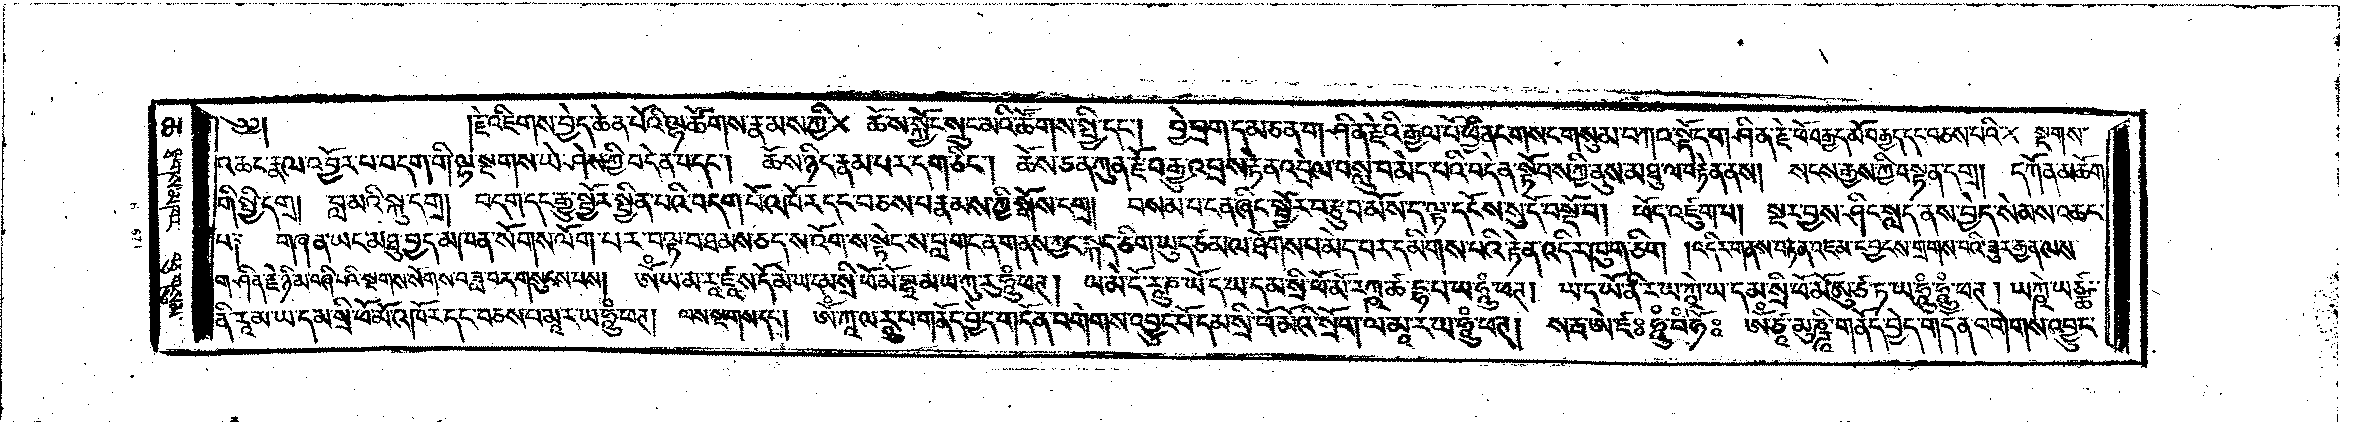༄༅། །རྗེ་འཇིགས་བྱེད་ཆེན་པོའི་ལྷ་ཚོགས་རྣམས་ཀྱི྾་ཆོས་སྐྱོང་སྲུང་མའི་ཚོགས་སྤྱི་དང་། བྱེ་བྲག་དམ་ཅན་གཤིན་རྗེའི་རྒྱལ་པོ་ཕྱི་ནང་གསང་གསུམ་བཀའ་སྡོད་གཤིན་རྗེ་ཕོ་བརྒྱད་མོ་བརྒྱད་དང་བཅས་པའི྾་སྔགས་
འཆང་རྣལ་འབྱོར་པ་བདག་གི་ལྷ་སྔགས་ཡེ་ཤེས་ཀྱི་བདེན་པ་དང་། ཆོས་ཉིད་རྣམ་པར་དག་ཅིང་། ཆོས་ཅན་ཀུན་རྫོབ་རྒྱུ་འབྲས་རྟེན་འབྲེལ་བསླུ་བ་མེད་པའི་བདེན་སྟོབས་ཀྱི་ནུས་མཐུ་ལ་བརྟེན་ནས། སངས་རྒྱས་ཀྱི་བསྟན་དགྲ། དཀོན་མཆོག་
གི་སྤྱི་དགྲ། བླ་མའི་སྐུ་དགྲ། བདག་དང་རྒྱུ་སྦྱོར་སྦྱིན་པའི་བདག་པོ་འཁོར་དང་བཅས་པ་རྣམས་ཀྱི་སྒོས་དགྲ། བསམ་པ་ངན་ཞིང་སྦྱོར་བ་རྩུབ་མོས་ད་ལྟེ་དངོས་སུ་ངོ་བསྔོ་བ། ཕོད་འཛུག་པ། སྔར་བྱས་ཤིང་སླད་ནས་བྱེད་སེམས་འཆང་
པ༑ གཞན་ཡང་མཐུ་བྱད་མཁན་སོགས་ལོག་པར་བལྟ་བ་ཐམས་ཅད་ས་འོག་ས་སྟེང་ས་བླ་གནང་ན་གནས་ཀྱང་སྐད་ཅིག་ཡུད་ཙམ་ལ་ཐོགས་པ་མེད་པར་དམིགས་པའི་རྟེན་འདིར་ཁུག་ཅིག །འདིར་གནས་བརྟན་འཇམ་དབྱངས་གྲགས་པའི་ཟུར་རྒྱན་ལས་
གཤིན་རྗེ་ཉི་མ་བཞི་པའི་སྔགས་སོགས་བཟླ་བར་གསུངས་པས། ཨོཾ་ཡ་མ་རཱ་ཛའ་ས་དོ་མེ་ཡ་དམ་སྲི་ཕོ་མོ་བྷ྄་མ་ཡ་ཀུ་ར་ཧཱུཾ་ཕཊ། ཡ་མེ་དོ་རཱུ་ཎ་ཡོད་ཡ་དམ་སྲི་ཕོ་མོ་རཀྵ་ཚ་དྷ་པ་ཡ་ཧཱུཾ་ཕཊ། ཡ་ད་ཡོ་ནི་ར་ཡ་ཀྵེ་ཡ་དམ་སྲི་ཕོ་མོ་ཨུ་ཙ་ཏ་ཡ་ཧཱུཾ་ཧཱུཾ་ཕཊ། ཡཀྵེ་ཡཙྪ་
ནི་རཱ་མ་ཡ་དམ་སྲི་ཕོ་མོ་འཁོར་དང་བཅས་པ་མཱར་ཡ་ཧཱུཾ་ཕཊ། ལས་སྔགས་དད། ཨོཾ་ཀཱ་ལ་རཱུ་པ་གནོད་བྱེད་གདོན་བགེགས་འབྱུང་པ་དམ་སྲི་ཕོ་མོའི་སྲོག་ལ་མཱ་ར་ཡ་ཧཱུཾ་ཕཊ། སརྦ་ཨེ་ཙཿ ཧཱུཾ་བཾ་ཧོཿ ཨོཾ་ཙའ་མུཎྜཱི་གནོད་བྱེད་གདོན་བགེགས་འབྱུང་